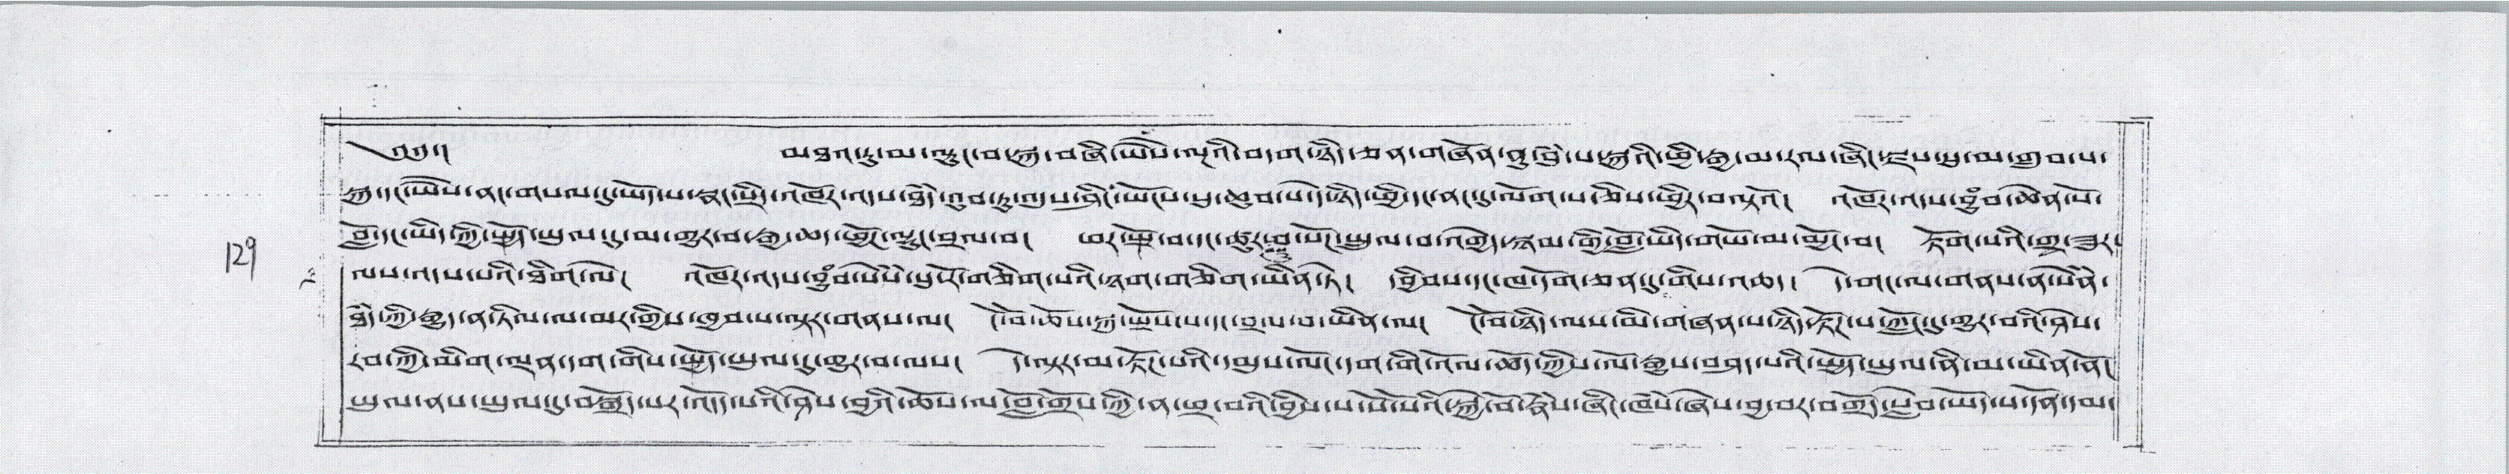མཐའ་རུ་མ་ལྷུང་བ་སྐུ་བཞི་ཡེ་ཤེས་ལྔའི་བདག་ཉིད་ཅན་གཞོན་ནུ་བུམ་པ་སྐུའི་ཕྱི་རྒྱ་མ་རལ་ཞིང་རྫས་སུ་མ་གྲུབ་པ་
སྐུ་དང་ཡེ་ཤེས་ནང་གསལ་དུ་ཡོད་པ་སྣང་སྲིད་འཁོར་འདས་ཐམས་ཅད་འུབས་སུ་འདུས་ཤིང་ཡོངས་སུ་ཆུབ་པ་དེ་ཉིད་ཕྱི་དང་ནང་ལོག་པ་ཅིའི་ཕྱིར་བལྟའོ། འཁོར་འདས་བྱང་ཆུབ་ཆེན་པོ་
བློ་དང་ཡིད་ཀྱི་སྤྱོད་ཡུལ་དུ་མ་གྱུར་པ་རྒྱ་ཆད་ཕྱོགས་ལྷུང་བྲལ་བ། ཕར་སྤྲོ་བ་དང་ཚུར་བསྡུ་བ་སོགས་སྤྲུལ་པ་འགྱེད་སྙམ་གྱི་བློ་ཡིད་གཡོ་མ་མྱོང་བ། རྟོག་པའི་གྲྭ་ཟུར་
ལས་འདས་པའི་ཐིག་ལེ། འཁོར་འདས་བྱང་ཆུབ་སེམས་སུ་རོ་གཅིག་པའི་ཉག་གཅིག་ཡིན་ཏེ། དབྱིབས་དང་ཁ་དོག་ཅན་དུ་༼༽གིས་འཆད། དེ་གང་ལ་གནས་ན་སེམས་ཅན་
ཐམས་ཅད་ཀྱི་རྒྱུད་ན་ཏིལ་ལ་མར་གྱིས་ཁྱབ་པ་ལྟར་གནས་ལ། ངོ་བོ་ཆོས་སུ་སྤྲོས་པ་དང་བྲལ་བ་ཡིན་ལ། ངོ་བོ་ཉིད་ལས་མི་གཞན་པ་ཉིད་རྟོག་པ་ཀློང་དུ་གྱུར་བའི་ཤེས་
རབ་ཀྱི་མིག་ལྡན་དག་གིས་སྤྱོད་ཡུལ་དུ་གྱུར་པ་ལས། དེ་ལྟར་མ་རྟོགས་པའི་དམུས་ལོང་དག་གི་འོལ་ཚོད་ཀྱིས་ལོ་རྒྱུས་བཤད་པའི་སྤྱོད་ཡུལ་ནི་མ་ཡིན་ནོ། 
ཡུལ་ནས་ཡུལ་དུ་བགྲོད་པར་འདོད་པའི་ཤེས་བྱའི་ཆོས་ལ་བློ་གྲོས་ཀྱི་ན་ཕྲ་བའི་བྱིས་པ་སོ་སོའི་སྐྱེ་བོ་རྣམས་ཞིང་ཁམས་ཞེས་བྱ་བར་བགྲོད་སླེབས་ཡོད་པ་དོན་དམ་